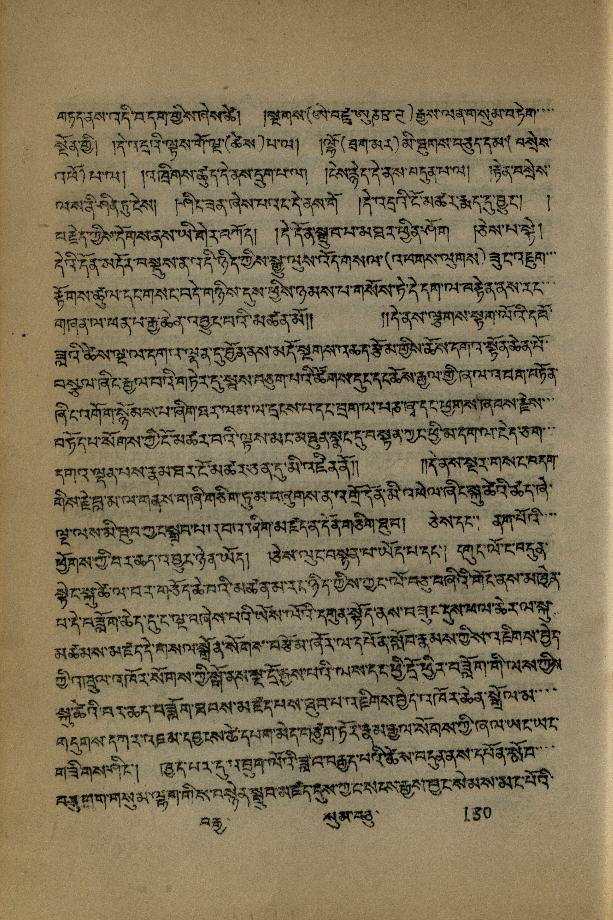གཏད་ནས་འདི་བདག་གྱིས་ཞེས་ཚེ། །སྔགས་ཨེ་བཛྲ་ཨུཎཊཿཨ་ཊ་རྒྱས་ལན་གསུམ་བཏེག་
སྔོན་གྱི། །དེ་འདྲའི་ལྟས་གོ་ལྔ་ཚེས་པ་ལ། །ལྷོ་བྲག་མར་མི་ཐུགས་བཅུད་དམ་བསྲེས་
འཕོ་པ་ལ། །འཁྲིགས་ཚུད་དེ་ནས་དྲུག་པ་ལ། །ངེས་རྙེད་དེ་ནས་བདུན་པ་ལ། །རྟེན་བསྲེས་
ལས་ནི་ཤིན་ཏུ་ངེས། །ཤིང་ཟན་ཞེས་པའང་དེ་ནས་གོ །དེ་འདྲའི་ངོ་མཚར་རྨད་དུ་བྱུང་། །
བརྗེད་ཀྱིས་དོགས་ནས་ཡི་གེར་བཀོད། །དེ་དོན་སྒྲུབ་པ་མཐར་ཕྱིན་ཤོག །ཅེས་པ་སྟེ།
དེའི་དོན་མདོར་བསྡུས་ན་འདི་ཉིད་ཀྱིས་སྒྱུ་ལུས་འོད་གསལ་འཕགས་ལུགས་ཟུང་འཇུག་
རྟོགས་ཚུལ་དང་གསང་བདེ་གཉིས་དུས་ཕྱིས་ཉམས་པ་གསོས་ཏེ་དེ་དག་ལ་བརྟེན་ནས་རང་
གཞན་ལ་ཕན་པ་རྒྱ་ཆེན་འབྱུང་བའི་མཚན་མོ།། །།དེ་ནས་ལྕགས་སྟག་ལོའི་དབོ་
ཟླའི་ཚེས་ལྔ་ལ་དགའ་ལྡན་དུ་བྱོན་ནས་མདོ་སྔགས་འཆད་རྩོམ་གྱིས་ཆོས་དགའ་སྟོན་ཆེན་པོ་
བསྩལ་ཞིང་རྒྱལ་བའི་གཏེར་དུ་སྦས་བཅུག་པའི་ཚོགས་དུང་དང་ཆོས་རྒྱལ་གྱི་ཞལ་འབག་བཏོན་
ཞིང་འགོག་སྙོམས་པ་ཞིག་ཐར་ལམ་ལ་དྲངས་པ་དང་བྲག་ལ་པཎ་ཞྭ་དང་ཕྱགས་ཞབས་རྗེས་
བཏོད་པ་སོགས་ཀྱི་ངོ་མཚར་བའི་ལྟས་མང་མཐུན་སྣང་དུ་བསྟན་ཀྱང་ཕྱི་མ་དག་ལ་ངེད་ཅག་
དགའ་ལྡན་པས་རྣམ་ཐར་ངོ་མཚར་ཅན་དུ་མི་འཛིན་ནོ།། །།དེ་ནས་སྔར་གསང་བདག་
གིས་རྗེ་བླ་མ་ལ་གནས་གཞི་གཅིག་ཏུ་མ་བཞུགས་ན་འགྲོ་དོན་མི་འཕེལ་ཞིང་སྐུ་ཚེའི་ཚད་ཞེ་
ལྔ་ལས་མི་ཐུབ་ཀྱང་སྒྲུབ་པ་འབའ་ཞིག་མཛད་ན་དོན་གཅིག་ཐུབ། ཅེས་དང་། ནག་པོའི་
ཕྱོགས་ཀྱི་བར་ཆད་འབྱུང་ཉེན་ཡོད། །ཅེས་ལུང་བསྟན་པ་ཡོད་པ་དང་། དགུང་ལོ་ང་བདུན་
སྟེང་སྐུ་ཚེ་ལ་བར་གཅོད་ཆེ་བའི་མཚན་མ་རང་ཉིད་ཀྱིས་ཀྱང་ལོ་བཅུ་བཞིའི་གོང་ནས་མཁྱེན་
པ་དེ་བཟློག་ཆེད་དུ་ང་ལྔ་བཞེས་པའི་ཡོས་ལོའི་དགུན་སྟོད་ནས་བཟུང་དུས་ཕལ་ཆེར་ལ་སྐུ་
མཚམས་མཛད་དེ་གསལ་སྒྲོན་སོགས་བརྩོམ་ཞོར་ལ་དཔོན་སློབ་རྣམས་ཀྱིས་འཇིགས་བྱེད་
ཀྱི་འཁྲུལ་འཁོར་སོགས་ཀྱི་སྒོ་ནས་སྔ་དྲོ་རྒྱས་པའི་ལས་དང་ཕྱི་དྲོ་ཕྱིར་བཟློག་གིས་ལས་ཀྱིས་
སྐུ་ཚེའི་བར་ཆད་བཟློག་ཐབས་མཛད་པས་ཐུབ་པ་འཇིགས་བྱེད་འཁོར་ཆེན་སྒྲོལ་མ་
གདུགས་དཀར་འཇམ་དབྱངས་ཚེ་དཔག་མེད་གཙུག་ཏོར་རྣམ་རྒྱལ་སོགས་ཀྱི་ཞལ་ཡང་ཡང་
གཟིགས་ཤིང་། ཁྱད་པར་དུ་འབྲུག་ལོའི་ཟླ་བ་བརྒྱད་པའི་ཚེས་བདུན་ནས་དཔོན་སློབ་
བཅུ་ཕྱག་གསུམ་ལྷག་གིས་བསྙེན་སྒྲུབ་མཛད་དུས་ཀྱང་སངས་རྒྱས་བྱང་སེམས་མང་པོའི་